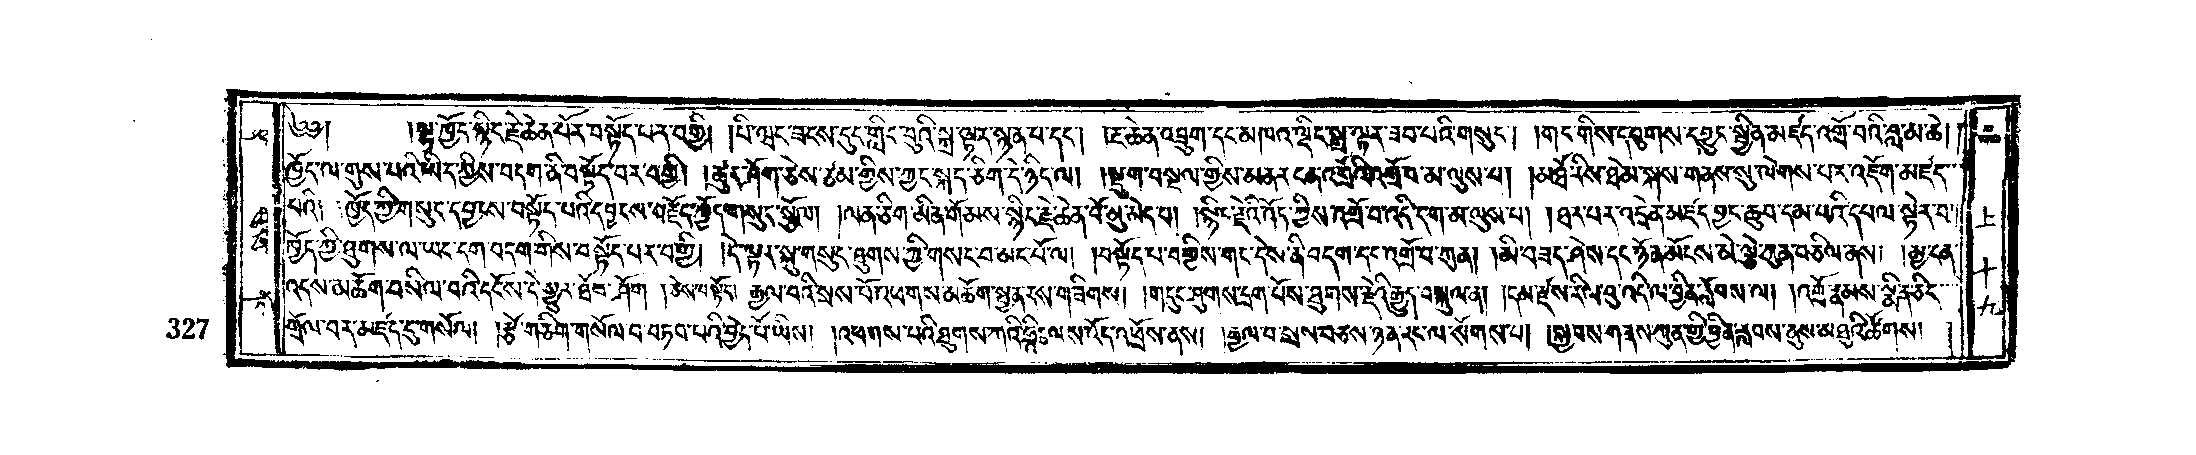༄༅། །ལྷ་ཁྱོད་སྙིང་རྗེ་ཆེན་པོར་བསྟོད་པར་བགྱི། །པི་ཝང་ཟངས་དུང་གླིང་བུའི་སྒྲ་ལྟར་སྙན་པ་དང་། །རྔ་ཆེན་འབྲུག་དང་མཁའ་ལྡིང་སྒྲ་ལྟར་ཟབ་པའི་གསུང་། །གང་གིས་དབུགས་དབྱུང་སྦྱིན་མཛད་འགྲོ་བའི་བླ་མ་ཆེ། །
ཁྱོད་ལ་གུས་པའི་ཡིད་ཀྱིས་བདག་ནི་བསྟོད་པར་བགྱི། །ཚུར་ཤོག་ཅེས་ཙམ་གྱིས་ཀྱང་སྐད་ཅིག་དེ་ཉིད་ལ། །སྡུག་བསྔལ་གྱིས་མནར་ངན་འགྲོའི་འགྲོ་བ་མ་ལུས་པ། །མཐོ་རིས་ཐེམ་སྐས་གནས་སུ་ལེགས་པར་འཇོག་མཛད་
པའི། །ཁྱོད་ཀྱི་གསུང་དབྱངས་བསྟོད་པའི་དབྱངས་བརྗོད་ཁྱོད་གསུང་སྩོལ། །ལན་ཅིག་མིན་གོམས་སྙིང་རྗེ་ཆེན་པོ་མུ་མེད་པ། །སྙིང་རྗེའི་འོད་ཀྱིས་འགྲོ་བ་འདི་དག་མ་ལུས་པ། །ཐར་པར་འདྲེན་མཛད་བྱང་ཆུབ་དམ་པའི་དཔལ་སྟེར་བ། །
ཁྱོད་ཀྱི་ཐུགས་ལ་ཡང་དག་བདག་གིས་བསྟོད་པར་བགྱི། །དེ་ལྟར་སྐུ་གསུང་ཐུགས་ཀྱི་གསང་བ་མང་པོ་ལ། །བསྟོད་པ་བགྱིས་གང་དེས་ནི་བདག་དང་འགྲོ་བ་ཀུན། །མི་བཟད་ཤེས་དང་ཉོན་མོངས་མེ་ལྕེ་ཀུན་བཅིལ་ནས། །མྱ་ངན་
འདས་མཆོག་བསིལ་བའི་དངོས་དེ་མྱུར་ཐོབ་ཤོག །ཅེས་བསྟོད། རྒྱལ་བའི་སྲས་པོ་འཕགས་མཆོག་སྤྱན་རས་གཟིགས། །གདུང་ཤུགས་དྲག་པོས་ཐུགས་རྗེའི་རྒྱུད་བསྐུལ་ན། །དམ་རྫས་རིལ་བུ་འདི་ལ་བྱིན་རློབས་ལ། །འགྲོ་རྣམས་སྨིན་ཅིང་
གྲོལ་བར་མཛད་དུ་གསོལ། །རྩེ་གཅིག་གསོལ་བ་བཏབ་པའི་བྱེད་པོ་ཡིས། །འཕགས་པའི་ཐུགས་ཀའི་ཧྲཱིཿ ལས་འོད་འཕྲོས་ནས། །རྒྱལ་བ་སྲས་བཅས་ཉན་རང་ལ་སོགས་པ། །སྐྱབས་གནས་ཀུན་གྱི་བྱིན་རླབས་ནུས་མཐུའི་ཚོགས། །